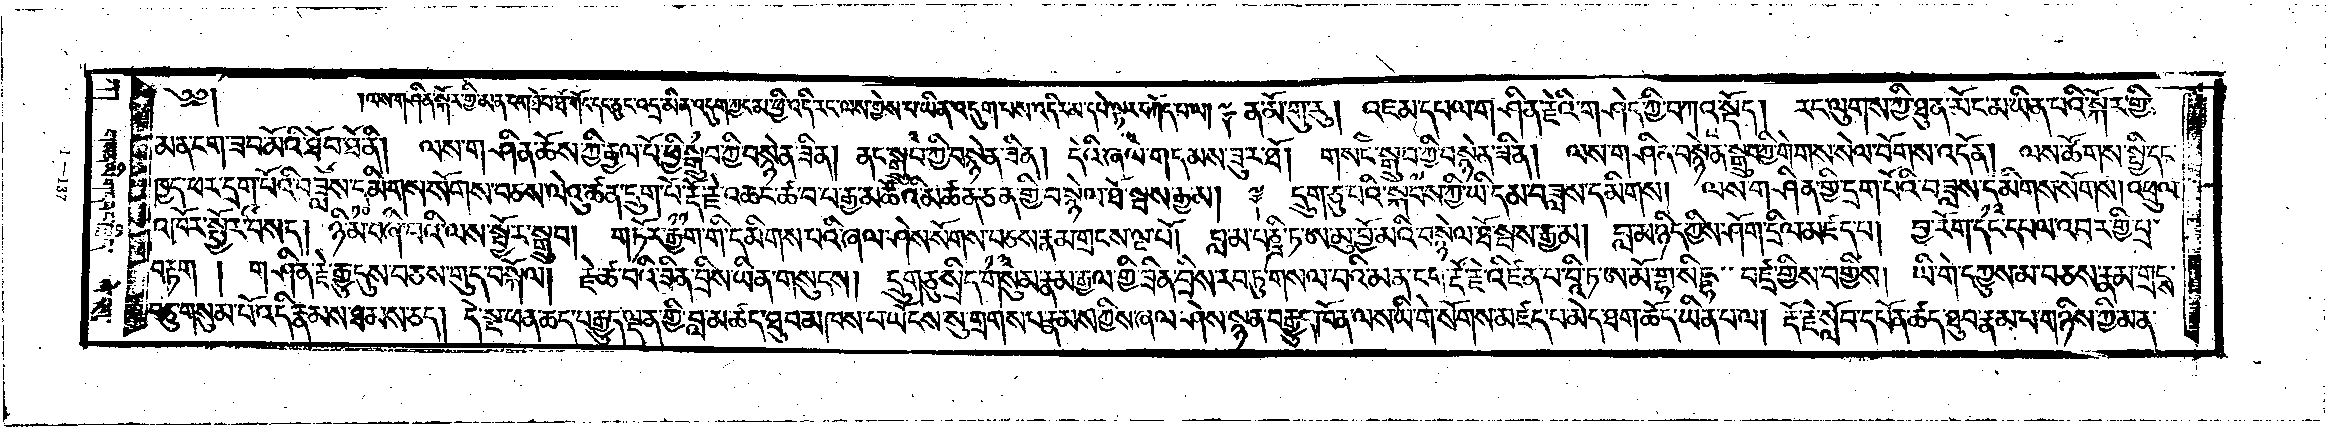༄༅། །ལས་གཤིན་སྐོར་གྱི་མན་ངག་ཐོབ་ཐོ་གོང་དང་ཅུང་འདྲ་མིན་འདུག་ཀྱང་མ་ཕྱི་འདིར་རང་ལས་གྱེས་པ་ཡིན་འདུག་པས་འདིར་མ་དཔེ་ལྟར་བཀོད་པ་ལ། ༈ ན་མོ་གུ་རུ། འཇམ་དཔལ་གཤིན་རྗེའི་གཤེད་ཀྱི་བཀའ་སྡོད། རང་ལུགས་ཀྱི་ཐུན་མོང་མ་ཡིན་པའི་སྐོར་གྱི་
མན་ངག་ཟབ་མོའི་ཐོབ་ཐོ་ནི། ལས་གཤིན་ཆོས་ཀྱི་རྒྱལ་པོ་ཕྱི་སྒྲུབ་ཀྱི་བསྙེན་ཟིན། ནང་སྒྲུབ་ཀྱི་བསྙེན་ཟིན། དེའི་ཞལ་གདམས་ཟུར་ཐོ། གསང་སྒྲུབ་ཀྱི་བསྙེན་ཟིན། ལས་གཤིན་བསྙེན་སྒྲུབ་ཀྱི་གེགས་སེལ་བོགས་འདོན། ལས་ཚོགས་སྤྱི་དང་
ཁྱད་ཕར་དྲག་པོའི་བཟླས་དམིགས་སོགས་བཅས་ལེའུ་ཚན་དྲུག་པོ་རྡོ་རྗེ་འཆང་ཚ་བ་པ་རྒྱ་མཚོའི་མཚན་ཅན་གྱི་བསྙེལ་ཐོ་སྤས་རྒྱ་མ། ༈ དྲུག་ཅུ་པའི་སྐབས་ཀྱི་ཡི་དམ་བཟླས་དམིགས། ལས་གཤིན་གྱི་དྲག་པོའི་བཟླས་དམིགས་སོགས། འཕྲུལ་
འཁོར་སྦྱོར་བསད། ཉི་མ་བཞི་པའི་ལས་སྦྱོར་སྒྲུབ། གཏོར་རྒྱག་གི་དམིགས་པའི་ཞལ་ཤེས་སོགས་བཅས་རྣམ་གྲངས་ལྔ་པོ། བླ་མ་པཎྜི་ཏ་ཨ་མུ་བྱོ་མའི་བསྙེལ་ཐོ་སྤས་རྒྱ་མ། བླ་མ་ཉིད་ཀྱིས་ཤོག་དྲིལ་མཛད་པ། བྱ་རོག་དང་དཔལ་འབར་གྱི་པྲ་
བརྟག །གཤིན་རྗེ་རྒྱུ་དུས་བཅས་གུད་བསྐོལ། རྗེ་ཚ་བའི་ཟིན་བྲིས་ཡིན་གསུངས། དྲུག་ཅུ་སྲིད་གསུམ་རྣམ་རྒྱལ་གྱི་བྲིན་བྲིས་རབ་ཏུ་གསལ་བའི་མན་ངག་རྡོ་རྗེ་འཛིན་པ་བའི་ཏ་ཨ་མོ་གྷ་སདྷི་བཛྲ་གྱིས་བགྱིས། ཡི་གེ་དཀྱུས་མ་བཅས་རྣམ་གྲངས་
བཅུ་གསུམ་པོ་འདི་རྣམས་ཐམས་ཅད། དེ་སྔ་ཕན་ཆད་པ་རྒྱུད་ལྡན་གྱི་བླ་མ་ཚད་ཐུབ་མཁས་པ་ཡོངས་སུ་གྲགས་པ་རྣམས་ཀྱིས་ཞལ་ཤེས་སྙན་བརྒྱུད་ཁོ་ན་ལས་ཡི་གེ་སོགས་མཛད་པ་མེད་ཐག་ཆོད་ཡིན་པ་ལ། རྡོ་རྗེ་སློབ་དཔོན་ཚད་ཐུབ་རྣམ་པ་གཉིས་ཀྱི་མན་